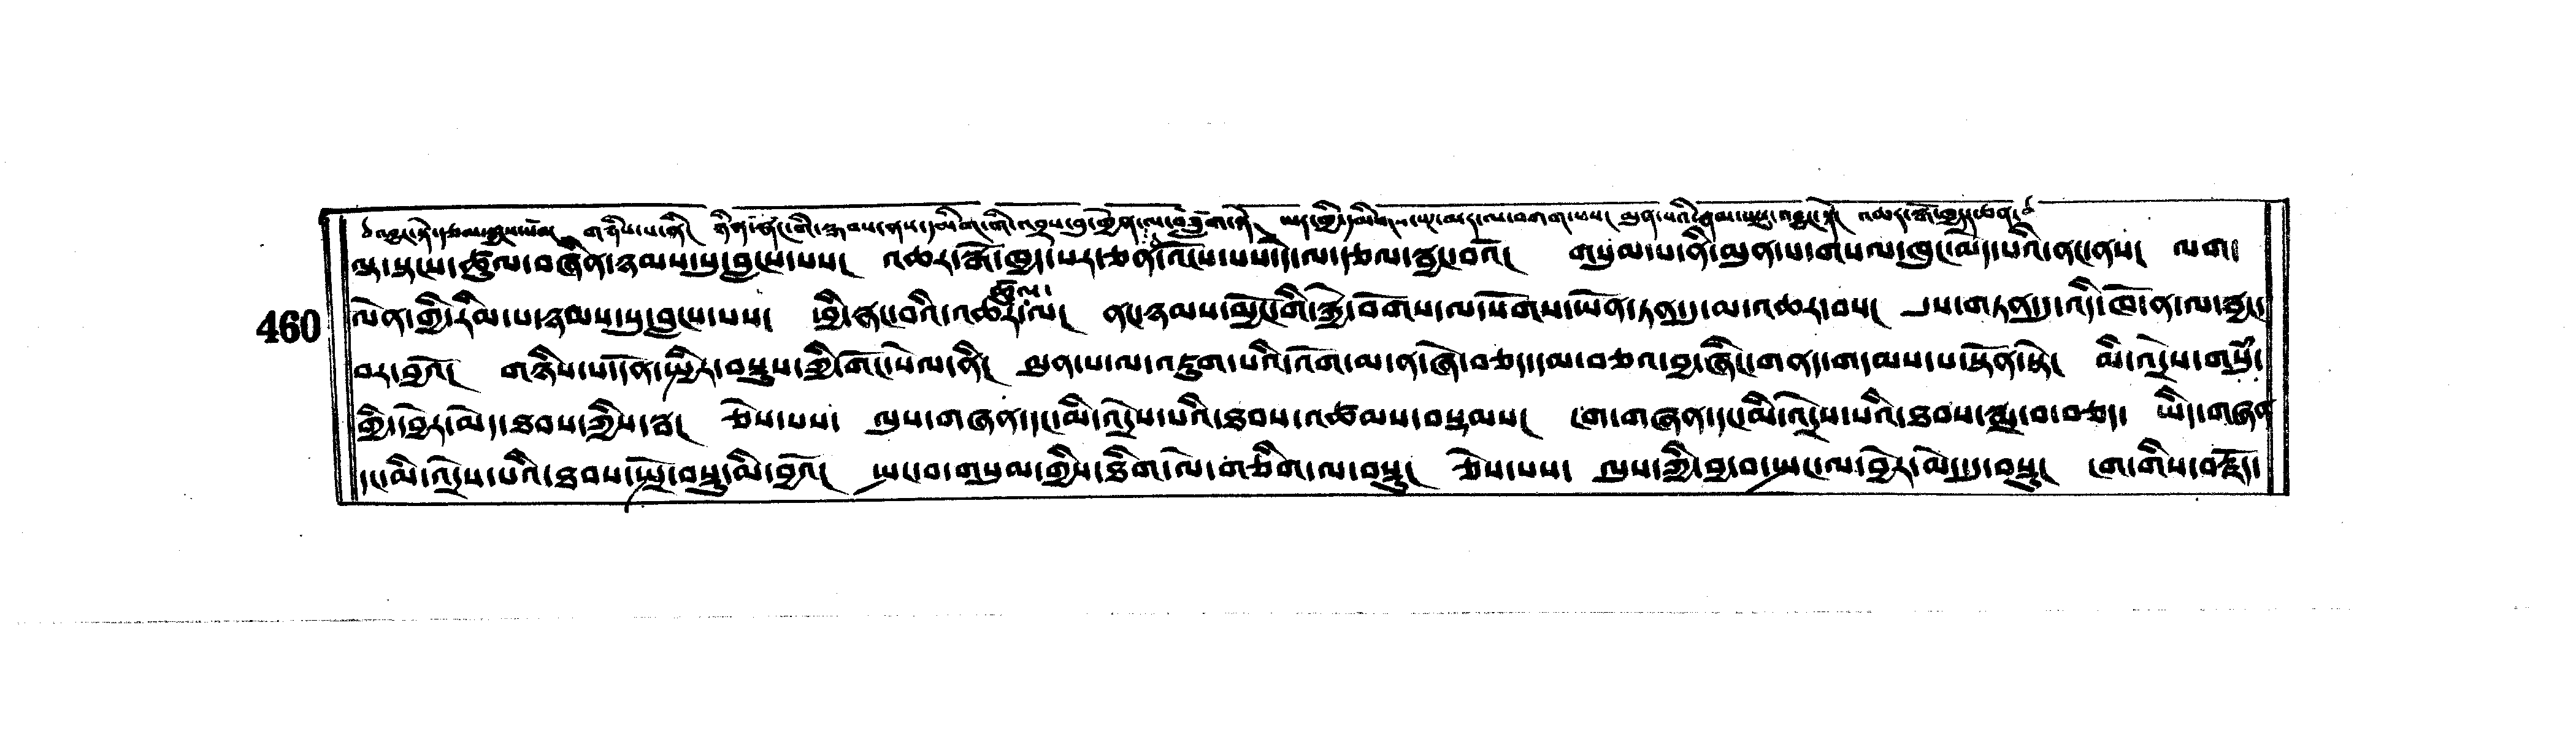ལྟ་སྟངས་ཚུལ་བཞིན་ཉམས་སུ་བླངས་པས། འཆར་སྒོ་ཁྱད་པར་ཅན་འབྱུང་སྟེ་རྩལ་སྦྱངས་པའོ། གཉིས་པ་ནི། ཉིན་སྣང་གི་སྐབས་ནས་མིག་གི་འབྲས་བུ་གྱེན་ལ་བཟློག་སྟེ། ཡར་གྱི་དམིགས་པ་སོགས་མར་ལ་བཀག་པས། མུན་པའི་རྣམ་པ་རུ་འབྱུང་སྟེ། འཆར་སྒོ་ཁྱད་པར་ཅན་འོང་བས་དེ་ལ་རྩལ་སྦྱངས་པའོ། གསུམ་པ་ནི་མུན་པ་གསལ་ཁུང་མེད་པའི་ནང་ནས། ལག་
ལེན་གྱི་རིམ་པ་ཉམས་སུ་བླང་བས། ཕྱི་སྣང་བའི་འཆར་ཚུལ་ལ། ནང་ཉམས་མྱོང་གི་སྐྱེ་བོགས་ལ་སོགས་ཡོན་ཏན་དུ་མ་འཆར་བས། དུས་གཏན་དུ་འདི་ཁོ་ན་ལ་སྦྱང་
བར་བྱའོ། གཉིས་པ་དོན་སྤྱིར་བསྡུས་ཀྱི་གོང་སེལ་ནི། མུན་པ་ལ་འཇུག་པའི་འོག་མ་ན་ཞེ་བཅད་དམ་བཅའ་བྱ་ཞིང་། གནད་གདམས་པ་སྟོན་ཏེ། མི་འདྲེས་གསུམ་
གྱིས་དབྱེར་མེད་ཐབས་ཀྱིས་སྦ། ཅེས་པས། ལུས་གཞན་དང་མི་འདྲེས་པའི་ཐབས་མཚམས་བསྡམས། ངག་གཞན་དང་མི་འདྲེས་པའི་ཐབས་སྨྲ་བ་བཅད། ཡིད་གཞན་
དང་མི་འདྲེས་པའི་ཐབས་སྤྲོ་བསྡུ་མི་བྱའོ། སྤང་བ་གསུམ་གྱིས་ཐིག་ལེ་གཅིག་ལ་བསྡུ། ཅེས་པས། ལུས་ཀྱི་བྱ་བ་སྤང་ལ་བྱར་མེད་བསྡུ། ངག་གིས་བརྗོད་པ་